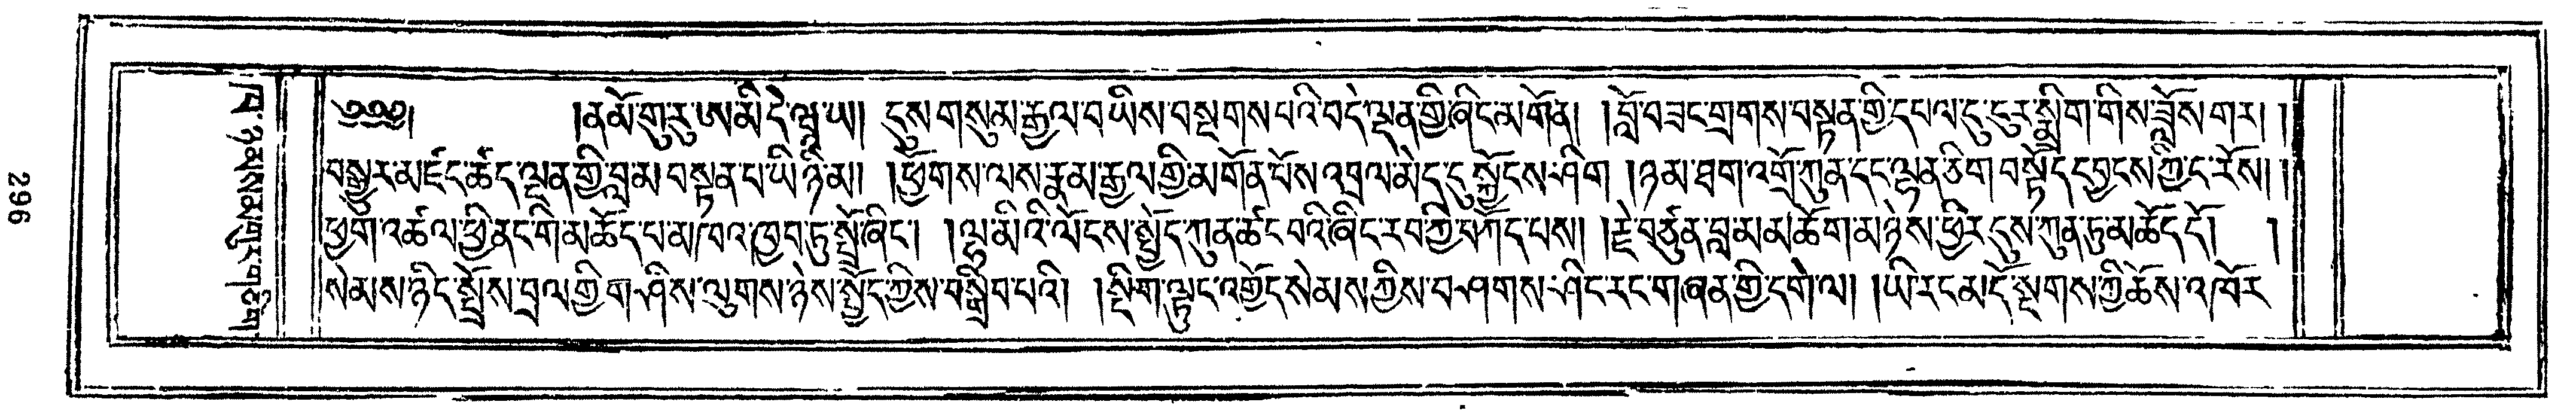༄༅༅། །ན་མོ་གུ་རུ་ཨ་མི་དེ་ཝཱ་ཡ། དུས་གསུམ་རྒྱལ་བ་ཡིས་བསྔགས་པའི་བདེ་ལྡན་གྱི་ཞིང་མགོན། །བློ་བཟང་གྲགས་བསྟན་གྱི་དཔལ་དུ་དུར་སྨྲིག་གིས་ཟློས་གར། །
བསྒྱུར་མཛད་ཚད་ལྡན་གྱི་བླ་མ་བསྟན་པ་ཡི་ཉི་མ། །ཕྱོགས་ལས་རྣམ་རྒྱལ་གྱི་མགོན་པོས་འབྲལ་མེད་དུ་སྐྱོངས་ཤིག །ཉམ་ཐག་འགྲོ་ཀུན་དང་ལྷན་ཅིག་བསྟོད་དབྱངས་ཀྱི་ང་རོས།།
ཕྱག་འཚལ་ཕྱི་ནང་གི་མཆོད་པ་མཁའ་ཁྱབ་ཏུ་སྤྲོ་ཞིང་། །ལྷ་མིའི་ལོངས་སྤྱོད་ཀུན་ཚང་བའི་ཞིང་རབ་ཀྱི་བཀོད་པས། །རྗེ་བཙུན་བླ་མ་མཆོག་མཉེས་ཕྱིར་དུས་ཀུན་ཏུ་མཆོད་དོ། །
སེམས་ཉིད་སྤྲོས་བྲལ་གྱི་གཤིས་ལུགས་ཉེས་སྤྱོད་ཀྱིས་བསྒྲིབ་པའི། །སྡིག་ལྟུང་འགྱོད་སེམས་ཀྱིས་བཤགས་ཤིང་རང་གཞན་གྱི་དགེ་ལ། །ཡི་རང་མདོ་སྔགས་ཀྱི་ཆོས་འཁོར་